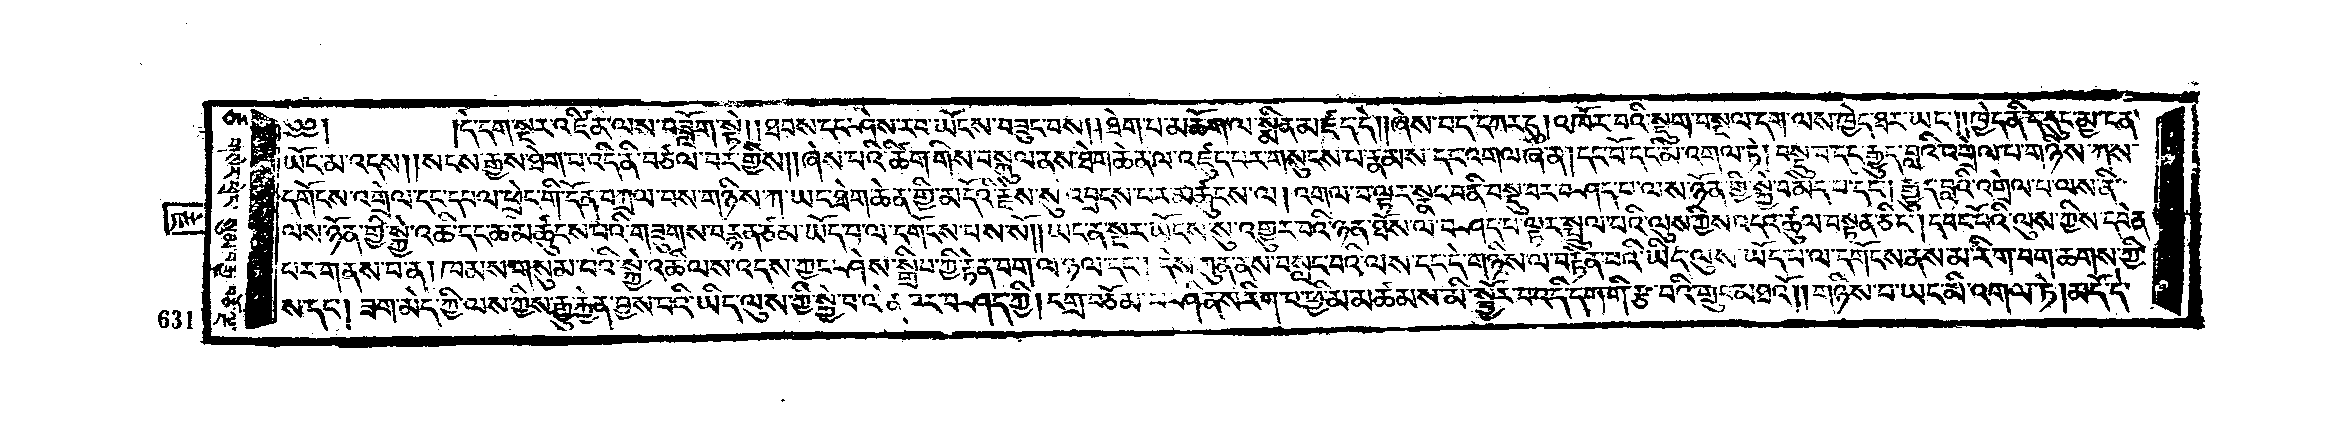༄༅། །དེ་དག་སྔར་འཛིན་ལས་བཟློག་སྟེ། །ཐབས་དང་ཤེས་རབ་ཡོངས་བཟུང་བས། །ཐེག་པ་མཆོག་ལ་སྨིན་མཛད་དེ། །ཞེས་པད་དཀར་དུ། འཁོར་བའི་སྡུག་བསྔལ་དག་ལས་ཁྱེད་ཐར་ཡང་། །ཁྱེད་ནི་ད་དུང་མྱ་ངན་
ཡོང་མ་འདས། །སངས་རྒྱས་ཐེག་པ་འདི་ནི་བཙལ་བར་གྱིས། །ཞེས་པའི་ཚིག་གིས་བསྐུལ་ནས་ཐེག་ཆེན་ལ་འཛུད་པར་གསུངས་པ་རྣམས་དང་འགལ་ཞེ་ན། དང་པོ་དང་མི་འགལ་ཏེ། བསྡུ་པ་དང་རྒྱུད་བླའི་འགྲེལ་པ་གཉིས་ཀས་
དགོངས་འགྲེལ་དང་དཔལ་ཕྲེང་གི་དོན་བཀྲལ་བས་གཉིས་ཀ་ཡང་ཐེག་ཆེན་གྱི་མདོའི་རྗེས་སུ་འབྲངས་པར་མཚུངས་ལ། འགལ་བ་ལྟར་སྣང་བ་ནི་བསྡུ་བར་བཤད་པ་ལས་ཉོན་གྱི་སྐྱེ་བ་མེད་པ་དང་། རྒྱུད་བླའི་འགྲེལ་པ་ལས་ནི་
ལས་ཉོན་གྱི་སྐྱེ་འཆི་དང་ཆ་མཚུངས་པའི་གཟུགས་བརྙན་ཙམ་ཡོད་པ་ལ་དགོངས་པས་སོ། །ཡང་ན་སྔར་ཡོངས་སུ་འགྱུར་བའི་ཉན་ཐོས་ལ་བཤད་པ་ལྟར་སྤྲུལ་པའི་ལུས་ཀྱིས་འདའ་ཚུལ་བསྟན་ཅིང་། དབང་པོའི་ལུས་ཀྱིས་དབེན་
པར་གནས་པ་ན། ཁམས་གསུམ་པའི་སྐྱེ་འཆི་ལས་འདས་ཀྱང་ཤེས་སྒྲིབ་ཀྱི་རྟེན་བག་ལ་ཉལ་དང་། དེས་ཀུན་ནས་བསླང་བའི་ལས་དང་དེ་གཉིས་ལ་བརྟེན་པའི་ཡིད་ལུས་ཡོད་པ་ལ་དགོངས་ནས་མ་རིག་བག་ཆགས་ཀྱི་
ས་དང་། ཟག་མེད་ཀྱི་ལས་ཀྱིས་རྒྱུ་རྐྱེན་བྱས་པའི་ཡིད་ལུས་ཀྱི་སྐྱེ་བ་ལེན་པར་བཤད་ཀྱི། དགྲ་བཅོམ་པ་ཤི་ནས་རིག་པ་ཕྱི་མ་མཚམས་མི་སྦྱོར་བ་འདི་དག་གི་རྩ་བའི་གྲུབ་མཐའོ། །གཉིས་པ་ཡང་མི་འགལ་ཏེ། མདོ་དེ་